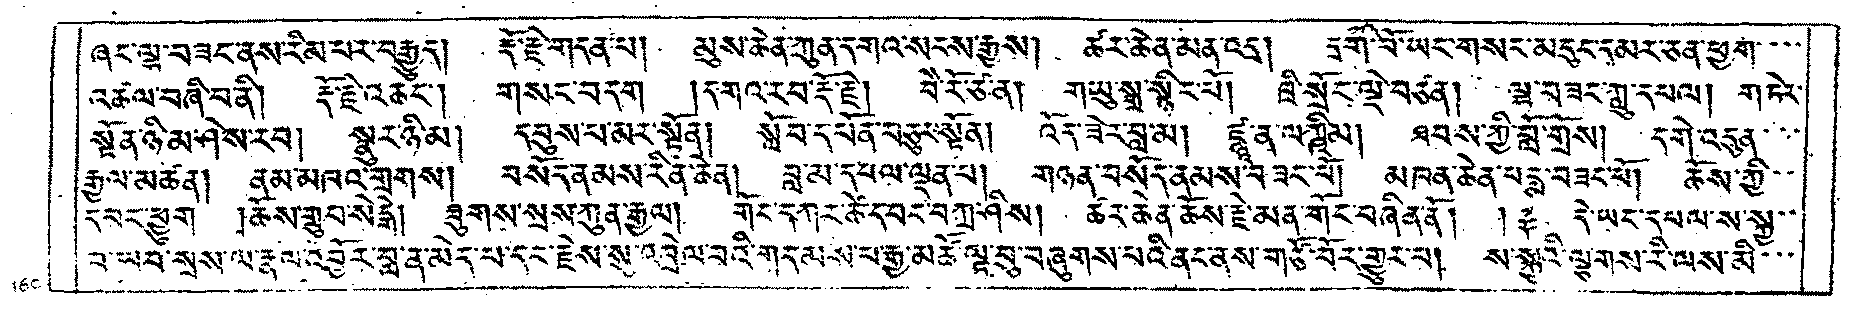ཞང་ལྷ་བཟང་ནས་རིམ་པར་བརྒྱུད། རྡོ་རྗེ་གདན་པ། མུས་ཆེན་ཀུན་དགའ་སངས་རྒྱས། ཚར་ཆེན་མན་འདྲ། དྲག ༡༡?་པོ་ཡང་གསང་མདུང་དམར་ཅན་ཕྱག་
འཚལ་བཞི་པ་ནི། རྡོ་རྗེ་འཆང་། གསང་བདག །དགའ་རབ་རྡོ་རྗེ། བཻ་རོ་ཙ་ན། གཡུ་སྒྲ་སྙིང་པོ། ཁྲི་སྲོང་ལྡེ་བཙན། ལྷ་བཟང་ཀླུ་དཔལ། གཏེར་
སྟོན་ཉི་མ་ཤེས་རབ། སྣུར་ཉི་མ། དབུས་པ་མར་སྟོན། སློབ་དཔོན་བཅུར་སྟོན། འོད་ཟེར་བླ་མ། ཛྙཱ་ན་ལཀྵིམ། ཐབས་ཀྱི་བློ་གྲོས། དགེ་འདུན་
རྒྱལ་མཚན། ནམ་མཁའ་གྲགས། བསོད་ནམས་རིན་ཆེན། བླ་མ་དཔལ་ལྡན་པ། གཉན་བསོད་ནམས་བཟང་པོ། མཁན་ཆེན་པདམ་བཟང་པོ། ཆོས་ཀྱི་
དབང་ཕྱུག །ཆོས་གྲུབ་སེངྒེ། ཐུགས་སྲས་ཀུན་རྒྱལ། གོང་དཀར་ཚེ་དབང་བཀྲ་ཤིས། ཚར་ཆེན་ཆོས་རྗེ་མན་གོང་བཞིན་ནོ། ། ༈ དེ་ཡང་དཔལ་ས་སྐྱ་
བ་ཡབ་སྲས་ལ་རྣལ་འབྱོར་བླ་ན་མེད་པ་དང་རྗེས་སུ་འབྲེལ་བའི་གདམས་པ་རྒྱ་མཚོ་ལྟ་བུ་བཞུགས་པའི་ནང་ནས་གཙོ་བོར་གྱུར་པ། ས་སྐྱའི་ལྕགས་རི་ལས་མི་